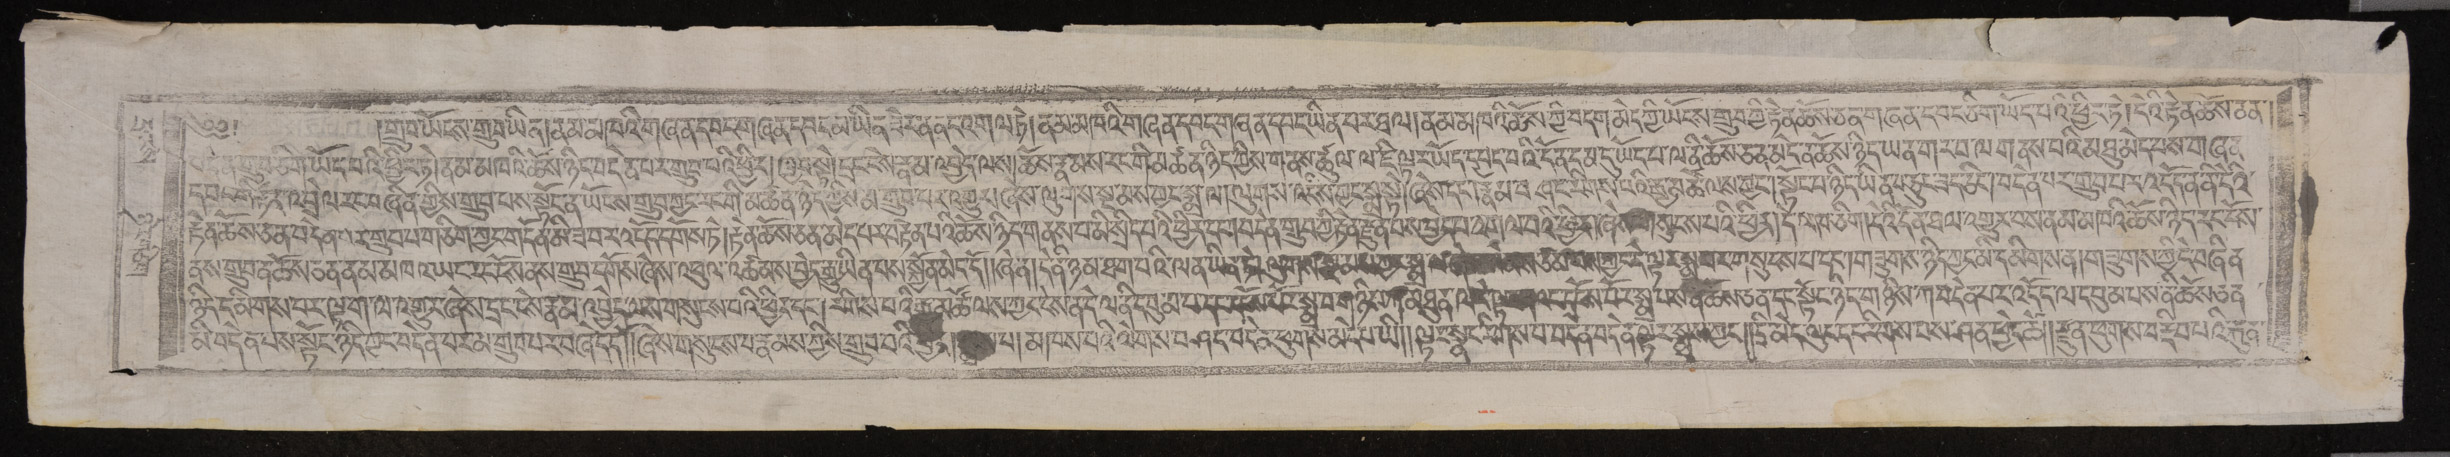༄༅། །གྲུབ་ཡོངས་གྲུབ་ཡིན། ནམ་མཁའི་གཞན་དབང་གཞན་དབང་མ་ཡིན་ཟེར་ན་ནང་འགལ་ཏེ། ནམ་མཁའི་གཞན་དབང་གཞན་དབང་ཡིན་པར་ཐལ། ནམ་མཁའི་ཆོས་ཀྱི་བདག་མེད་ཀྱི་ཡོངས་གྲུབ་ཀྱི་རྟེན་ཆོས་ཅན་གཞན་དབང་ཅིག་ཡོད་པའི་ཕྱིར་ཏེ། དེའི་རྟེན་ཆོས་ཅན་
བདེན་གྲུབ་ཅིག་ཡོད་པའི་ཕྱིར་ཏེ། ནམ་མཁའི་ཆོས་ཉིད་བདེན་པར་གྲུབ་པའི་ཕྱིར། ཁྱབ་སྟེ། དྲང་ངེས་རྣམ་འབྱེད་ལས། ཆོས་རྣམས་རང་གི་མཚན་ཉིད་ཀྱིས་གནས་ཚུལ་ལ་ཇི་ལྟར་ཡོད་དཔྱད་པའི་དོན་དམ་དུ་ཡོད་པ་ལ་ནི་ཆོས་ཅན་མེད་ན་ཆོས་ཉིད་ཡན་གར་བ་ལ་གནས་པའི་མཐུ་མེད་པས་གཞན་
དབང་གི་རྟེན་འབྲེལ་རང་བཞིན་གྱིས་གྲུབ་པས་སྟོང་ན་ཡོངས་གྲུབ་ཀྱང་རང་གི་མཚན་ཉིད་ཀྱིས་མ་གྲུབ་པར་འགྱུར། ཞེས་ལུགས་སྔ་མས་ཀྱང་སྨྲ་ལ། ལུགས་འདིས་ཀྱང་སྨྲ་སྟེ། ཞེས་དང་། རྣམ་བཤད་རིགས་པའི་རྒྱ་མཚོ་ལས་ཀྱང་། སྟོང་པ་ཉིད་ཡིན་པ་ཅུང་ཟད་ཅིག་བདེན་པར་གྲུབ་པར་འདོད་ན་ནི་དེའི་
རྟེན་ཆོས་ཅན་བདེན་པར་གྲུབ་པ་གཅིག་ཀྱང་གདོན་མི་ཟ་བར་འདོད་དགོས་ཏེ། རྟེན་ཆོས་ཅན་མེད་པར་བརྟེན་པའི་ཆོས་ཉིད་གནས་པ་མི་སྲིད་པའི་ཕྱིར་དང་། བདེན་གྲུབ་ཀྱི་རྟེན་རྫུན་པས་བྱེད་པ་འགལ་བའི་ཕྱིར། ཞེས་གསུངས་པའི་ཕྱིར། དེ་ལ་ཁ་ཅིག། དེའི་དོན་ཐལ་འགྱུར་བས་ནམ་མཁའི་ཆོས་ཉིད་རང་ངོས་
ནས་གྲུབ་ན་ཆོས་ཅན་ནམ་མཁའ་ཡང་རང་ངོས་ནས་གྲུབ་དགོས་ཞེས་འཕུལ་འཚམས་བྱེད་རྒྱུ་ཡིན་པས་སྐྱོན་མེད་དོ། །ཞེ་ན། དེ་ནི་ཉམ་ཐག་པའི་ལན་ཡིན་ཏེ། ལུགས་སྔ་མས་ཀྱང་སྨྲ་ལ་ཞེས་སེམས་ཙམ་པས་ཀྱང་ད་ལྟར་སྨྲ་བར་གསུངས་པ་དང་། གཟུགས་ཉིད་ཀྱང་མི་དམིགས་ན། གཟུགས་ཀྱི་དེ་བཞིན་
ཉིད་དམིགས་པར་ལྟ་ག་ལ་འགྱུར་ཞེས་དྲང་ངེས་རྣམ་འབྱེད་ལས་གསུངས་པའི་ཕྱིར་དང་། རིགས་པའི་རྒྱ་མཚོ་ལས་ཀྱང་ངེས་ན་དེ་ལ་ནི་དབུ་མ་པ་དང་དངོས་པོར་སྨྲ་བ་གཉིས་ཀ་མཐུན་ལ་དེ་ལྟར་ན་འང་དངོས་པོར་སྨྲ་བས་ན་ཆོས་ཅན་དང་སྟོང་ཉིད་གཉིས་ཀ་བདེན་པར་འདོད་ལ་དབུ་མ་པས་ནི་ཆོས་ཅན་
མི་བདེན་པས་སྟོང་ཉིད་ཀྱང་བདེན་པར་མ་གྲུབ་པར་བཞེད་དོ། །ཞེས་གསུངས་པ་རྣམས་ཀྱིས་གྲུབ་པའི་ཕྱིར། སྨྲས་པ། མཁས་པའི་ལེགས་བཤད་བདེན་ཕུགས་མེད་པ་ཡི། །ལྟར་སྣང་རིགས་པ་བདེན་བདེན་ལྟར་སྨྲས་ཀྱང་། །དྲི་མེད་ལུང་དང་རིགས་པས་ཤན་ཕྱེད་ཚེ། །རྫུན་ཕུགས་བརྡིབ་པའི་རྐུན་